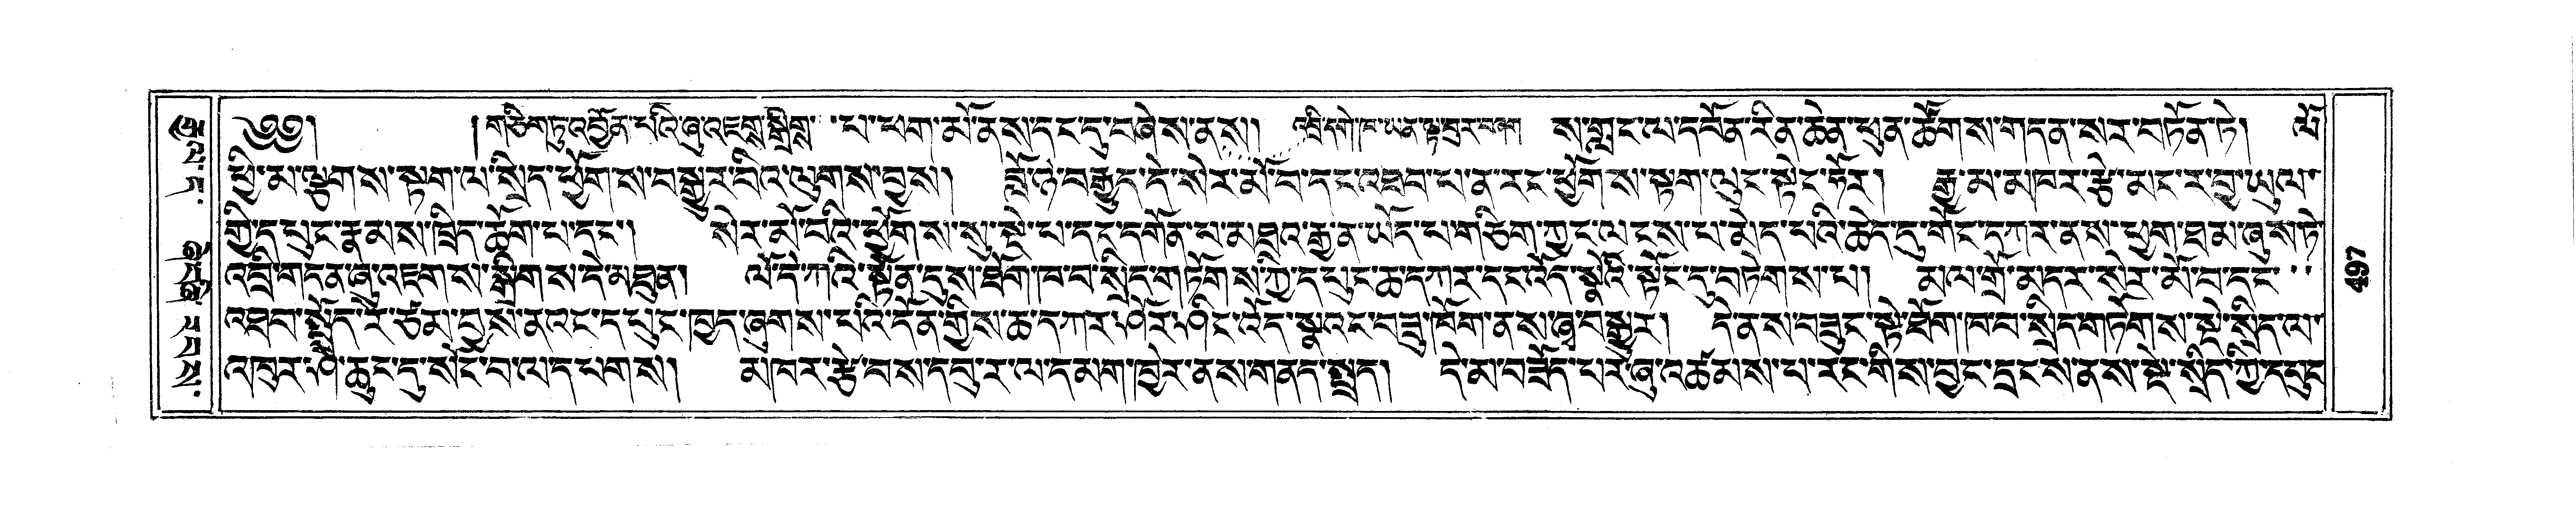༄༅། །གཅིག་ཏུ་འབྱོན་པའི་ཞུ་འཇགས་སྒྲིགས་པ་ཕག་མོ་ནས་དང་དུ་བཞེས་ནས། འབྲི་དགེ་ཁ་ཡན་ལྟ་བུར་བཞག་ས་གླང་ལ་དབོན་རིན་ཆེན་ཕུན་ཚོགས་གདན་སར་བཏོན་ཏེ། ལོ་
ཕྱི་མ་ལྕགས་སྟག་ལ་སྲིད་ཕྱོགས་བསྒྱུར་བའི་ལུགས་བྱས། བློ་ཉེ་བརྒྱུད་དེ་སེར་མོ་བ་དང་འཐབ་པ་ན་རང་ཕྱོགས་སྟག་ལུང་སྟེང་ཧོར། རྒྱ་མ་མཁར་རྩེ་མང་ར་བྱ་ཡུལ་
གྱི་དཔུང་རྣམས་ཁྲིད་ཆོག་པ་དང་། སེར་མོ་བའི་ཕྱོགས་སུ་སྡེ་པ་དང་དགོན་པ་མཐའ་རྒྱ་ན་ཡོད་པ་གཅིག་ཀྱང་ལངས་པ་མེད་པའི་ཆེད་དུ་གོང་དཀར་ནས་ཕྱག་ཐམ་ཞུས་ཏེ་
འབྲི་གདན་ཞུ་འཇགས་སྒྲིགས་དེ་མཐུན། ལོ་དེ་ཀའི་སྟོན་དུས་ཐོག་ཁ་བ་སྲིད་གཏོགས་ཀྱི་དཔུང་ཆ་དཀར་དང་འོད་སྣེའི་སྟོང་དུ་བཏེགས་པ། མལ་གྲོ་མདར་སེར་མོ་བ་དང་
འཐབ་སྤྲོད་རེ་ཙམ་བྱས་ནའང་དཔུང་ཁྱད་ཞུགས་པའི་དོན་གྱིས་ཆ་དཀར་ཤོར་ཤིང་འོད་སྣའང་བཟུ་ཁོག་ནས་ཞྭ་བསྒྱུར། དེ་ནས་བཟུང་སྟེ་ཐོག་ཁ་བ་སྲིད་གཏོགས་སྡེ་སྲིད་ལ་
འཁུར་ཤེ་ཆུང་དུ་སོང་བ་ལ་དཔགས། མཁར་རྩེ་བས་དབུ་ར་ལ་དམག་ཁྱེར་ནས་གནད་སྤྲད། དེ་མ་བཟོད་པར་ཞུ་འཚམས་པ་རང་གིས་བྱང་དྲངས་ནས་སྡེ་སྲིད་ཀྱི་དཔུང་